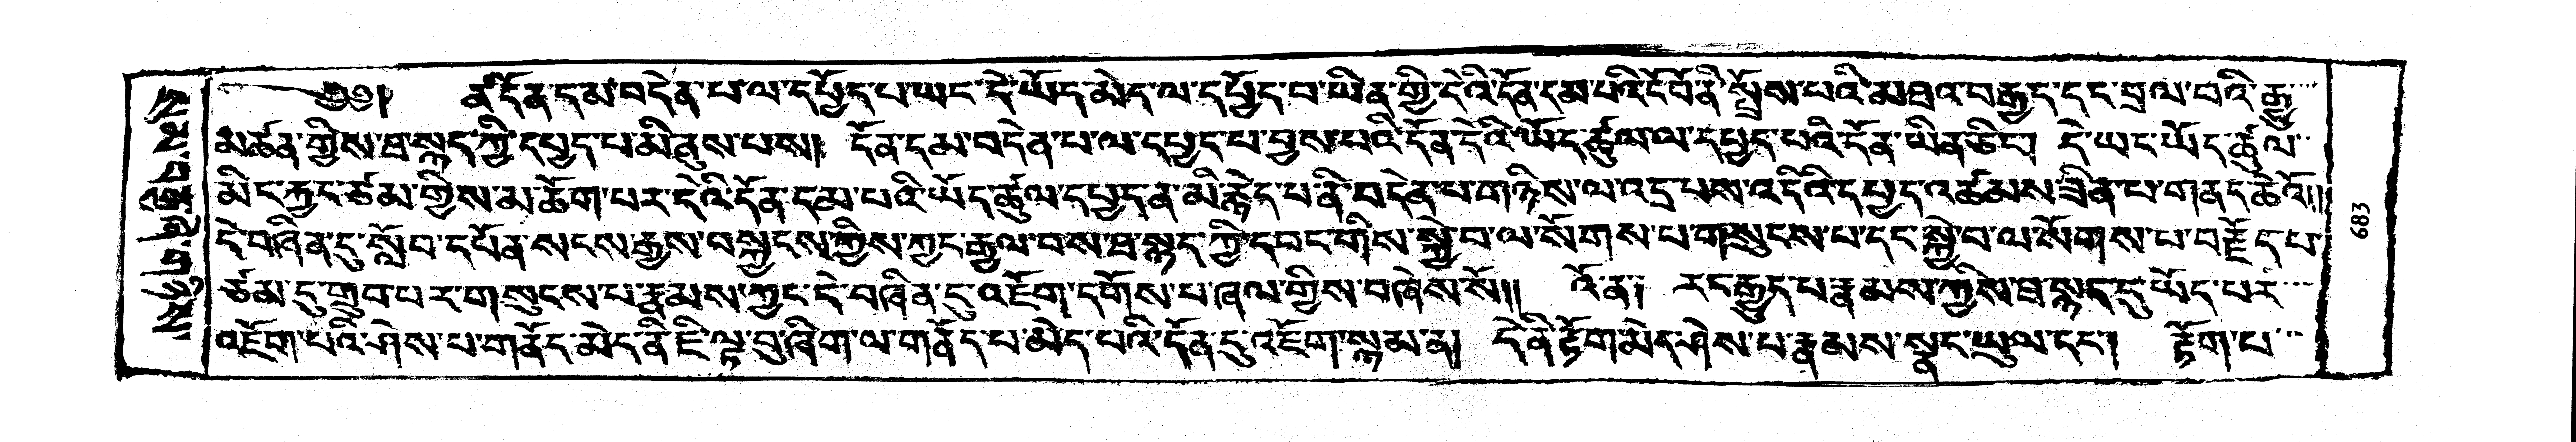༄༅། །ན་དོན་དམ་བདེན་པ་ལ་དཔྱོད་པ་ཡང་དེ་ཡོད་མེད་ལ་དཔྱོད་པ་ཡིན་གྱི་དེའི་དོན་དམ་པའི་ངོ་བོ་ནི་སྤྲོས་པའི་མཐའ་བརྒྱད་དང་བྲལ་བའི་རྒྱུ་
མཚན་གྱིས་ཐ་སྙད་ཀྱི་དཔྱད་པ་མི་ནུས་པས། དོན་དམ་བདེན་པ་ལ་དཔྱད་པ་བྱས་པའི་དོན་དེའི་ཡོད་ཚུལ་ལ་དཔྱད་པའི་དོན་ཡིན་ཅིང་། དེ་ཡང་ཡོད་ཚུལ་
མིང་རྐྱང་ཙམ་གྱིས་མ་ཆོག་པར་དེའི་དོན་དམ་པའི་ཡོད་ཚུལ་དཔྱད་ན་མི་རྙེད་པ་ནི་བདེན་པ་གཉིས་ལ་འདྲ་པས་འདིའི་དཔྱད་འཚམས་ཟིན་པ་གནད་ཆེའོ། །
དེ་བཞིན་དུ་སློབ་དཔོན་སངས་རྒྱས་བསྐྱངས་ཀྱིས་ཀྱང་རྒྱལ་བས་ཐ་སྙད་ཀྱི་དབང་གིས་སྐྱེ་བ་ལ་སོགས་པ་གསུངས་པ་དང་སྐྱེ་བ་ལ་སོགས་པ་བརྗོད་པ་
ཙམ་དུ་གྲུབ་པར་གསུངས་པ་རྣམས་ཀྱང་དེ་བཞིན་དུ་འཇོག་དགོས་པ་ཞལ་གྱིས་བཞེས་སོ། །འོ་ན༑ རང་རྒྱུད་པ་རྣམས་ཀྱིས་ཐ་སྙད་དུ་ཡོད་པར་
འཇོག་པའི་ཤེས་པ་གནོད་མེད་ནི་ཇི་ལྟ་བུ་ཞིག་ལ་གནོད་པ་མེད་པའི་དོན་དུ་འཇོག་སྙམ་ན། དེ་ནི་རྟོག་མེད་ཤེས་པ་རྣམས་སྣང་ཡུལ་དང་། རྟོག་པ་